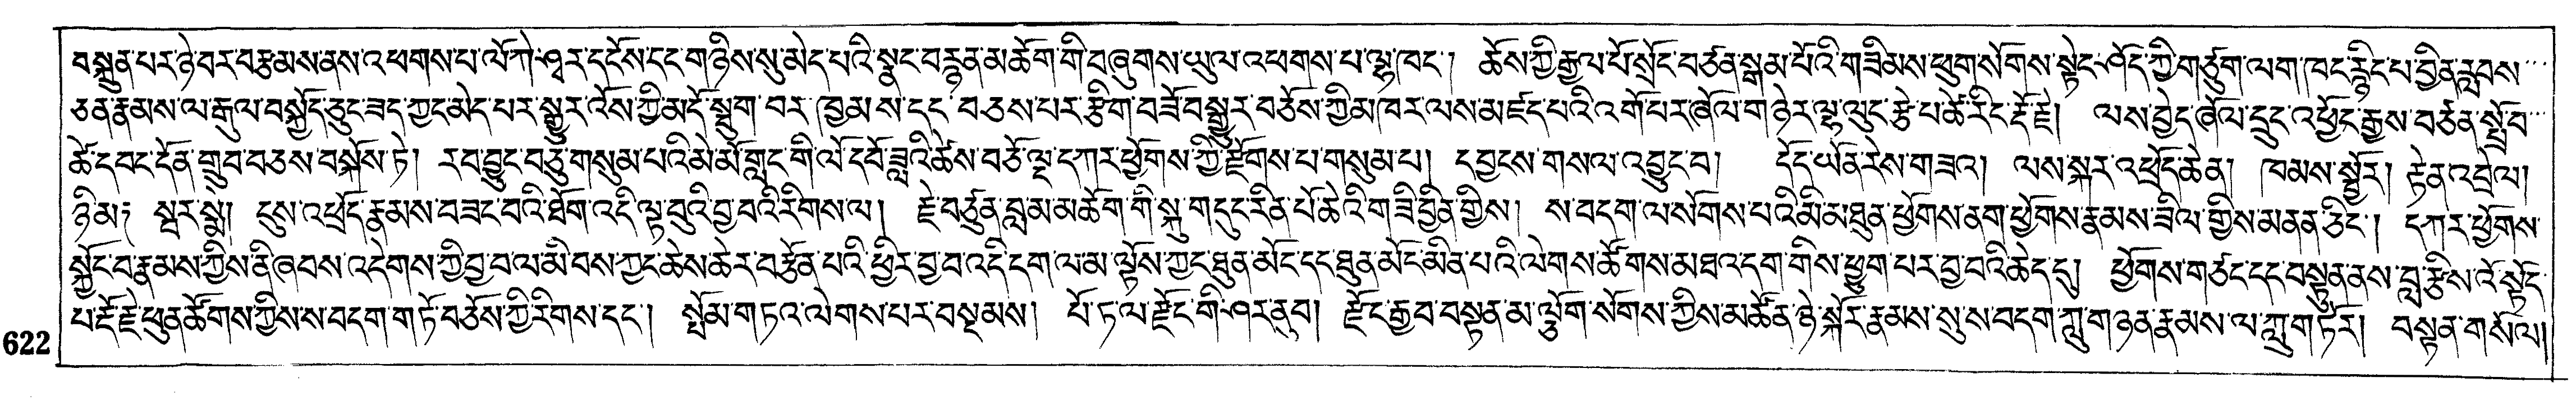བསྐྲུན་པར་ཉེ་བར་བརྩམས་ནས་འཕགས་པ་ལོ་ཀེ་ཤ་ར་དངོས་དང་གཉིས་སུ་མེད་པའི་སྣང་བརྙན་མཆོག་གི་བཞུགས་ཡུལ་འཕགས་པ་ལྷ་ཁང་། ཆོས་ཀྱི་རྒྱལ་པོ་སྲོང་བཙན་སྒམ་པོའི་གཟིམས་ཕུག་སོགས་སྟེང་ཤོད་ཀྱི་གཙུག་ལག་ཁང་རྙིང་པ་བྱིན་རླབས་
ཅན་རྣམས་ལ་རྒུལ་བསྐྱོད་ཅུང་ཟད་ཀྱང་མེད་པར་སྒྱུར་འོས་ཀྱི་མདོ་སྤུག་བར་ཁྱམས་དང་བཅས་པར་རྩིག་བཟོ་བསྒྱུར་བཅོས་ཀྱི་མཁར་ལས་མཛད་པའི་འགོ་པར་ཞོལ་གཉེར་ལྷ་ལུང་རྩེ་པ་ཚེ་རིང་རྡོ་རྗེ། ལས་བྱེད་ཞོལ་དྲུང་འཕྱོང་རྒྱས་བཙན་སྤྲོ་བ་
ཚེ་དབང་དོན་གྲུབ་བཅས་བསྐོས་ཏེ། རབ་བྱུང་བཅུ་གསུམ་པའི་མེ་མོ་གླང་གི་ལོ་དབོ་ཟླའི་ཚེས་བཅོ་ལྔ་དཀར་ཕྱོགས་ཀྱི་རྫོགས་པ་གསུམ་པ། དབྱངས་གསལ་འབྱུང་བ། འདོད་ཡོན་རེས་གཟའ། ལས་སྐར་འཕྲོད་ཆེན། ཁམས་སྦྱོར། རྟེན་འབྲེལ།
ཉི་མ༑ སྤར་སྨེ། དུས་འཕྲོད་རྣམས་བཟང་བའི་ཐོག་འདི་ལྟ་བུའི་བྱ་བའི་རིགས་ལ། རྗེ་བཙུན་བླ་མ་མཆོག་གི་སྐུ་གདུང་རིན་པོ་ཆེའི་གཟི་བྱིན་གྱིས། ས་བདག་ལ་སོགས་པའི་མི་མཐུན་ཕྱོགས་ནག་ཕྱོགས་རྣམས་ཟིལ་གྱིས་མནན་ཅིང་། དཀར་ཕྱོགས་
སྐྱོང་བ་རྣམས་ཀྱིས་ནི་ཞབས་འདེགས་ཀྱི་བྱ་བ་ལ་མི་བས་ཀྱང་ཆེས་ཆེར་བརྩོན་པའི་ཕྱིར་བྱ་བ་འདི་དག་ལ་མ་ལྟོས་ཀྱང་ཐུན་མོང་དང་ཐུན་མོང་མིན་པའི་ལེགས་ཚོགས་མཐའ་དག་གིས་ཕྱུག་པར་བྱ་བའི་ཆེད་དུ། ཕྱོགས་གཙང་དང་བསྟུན་ནས་བླ་རྩིས་འོ་སྟོད་
པ་རྡོ་རྗེ་ཕུན་ཚོགས་ཀྱིས་ས་བདག་གཏོ་བཅོས་ཀྱི་རིགས་དང་། སྤོམ་གཏའ་ལེགས་པར་བསྡམས། པོ་ཏ་ལ་རྫོང་གི་ཤར་ནུབ། རྫོང་རྒྱབ་བསྟན་མ་ལྕོག་སོགས་ཀྱིས་མཚོན་ཉེ་སྐོར་རྣམས་སུ་ས་བདག་ཀླུ་གཉན་རྣམས་ལ་ཀླུ་གཏོར། བསྟན་གསོལ།